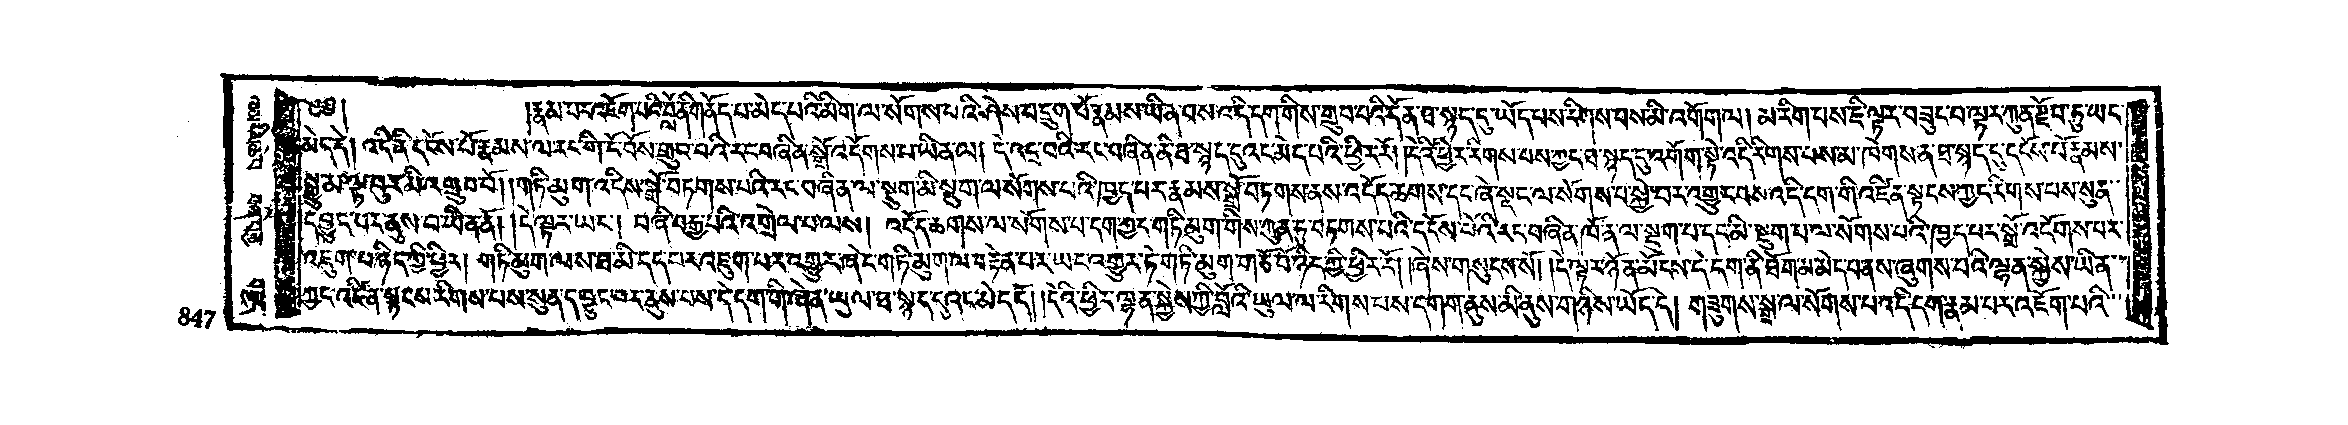༄༅། །རྣམ་པར་འཇོག་པའི་བློ་ནི་གནོད་པ་མེད་པའི་མིག་ལ་སོགས་པའི་ཤེས་པ་དྲུག་པོ་རྣམས་ཡིན་པས་འདི་དག་གིས་གྲུབ་པའི་དོན་ཐ་སྙད་དུ་ཡོད་པས་རིགས་པས་མི་འགོག་ལ། མ་རིག་པས་ཇི་ལྟར་བཟུང་བ་ལྟར་ཀུན་རྫོབ་ཏུ་ཡང་
མེད་དེ། འདི་ནི་དངོས་པོ་རྣམས་ལ་རང་གི་ངོ་བོས་གྲུབ་པའི་རང་བཞིན་སྒྲོ་འདོགས་པ་ཡིན་ལ། དེ་འདྲ་བའི་རང་བཞིན་ནི་ཐ་སྙད་དུའང་མེད་པའི་ཕྱིར་རོ། །དེའི་ཕྱིར་རིགས་པས་ཀྱང་ཐ་སྙད་དུ་འགོག་སྟེ་འདི་རིགས་པས་མ་ཁེགས་ན་ཐ་སྙད་དུ་དངོས་པོ་རྣམས་
སྒྱུ་མ་ལྟ་བུར་མི་འགྲུབ་བོ། །གཏི་མུག་འདིས་སྒྲོ་བཏགས་པའི་རང་བཞིན་ལ་སྡུག་མི་སྡུག་ལ་སོགས་པའི་ཁྱད་པར་རྣམས་སྒྲོ་བཏགས་ནས་འདོད་ཆགས་དང་ཞེ་སྡང་ལ་སོགས་པ་སྐྱེ་བར་འགྱུར་བས་འདི་དག་གི་འཛིན་སྟངས་ཀྱང་རིགས་པས་སུན་
དབྱུང་བར་ནུས་པ་ཡིན་ནོ། །དེ་ལྟར་ཡང་། བཞི་བརྒྱ་པའི་འགྲེལ་པ་ལས། འདོད་ཆགས་ལ་སོགས་པ་དག་ཀྱང་གཏི་མུག་གིས་ཀུན་ཏུ་བཏགས་པའི་དངོས་པོའི་རང་བཞིན་ཁོ་ན་ལ་སྡུག་པ་དང་མི་སྡུག་པ་ལ་སོགས་པའི་ཁྱད་པར་སྒྲོ་འདོགས་པར་
འཇུག་པ་ཉིད་ཀྱི་ཕྱིར། གཏི་མུག་ལས་ཐ་མི་དད་པར་འཇུག་པར་འགྱུར་ཞིང་གཏི་མུག་ལ་བརྟེན་པར་ཡང་འགྱུར་ཏེ་གཏི་མུག་གཙོ་བོ་ཉིད་ཀྱི་ཕྱིར་རོ། །ཞེས་གསུངས་སོ། །དེ་ལྟར་ཉོན་མོངས་དེ་དག་ནི་ཐོག་མ་མེད་པ་ནས་ཞུགས་པའི་ལྷན་སྐྱེས་ཡིན་
ཀྱང་འཛིན་སྟངས་རིགས་པས་སུན་དབྱུང་བར་ནུས་པས་དེ་དག་གི་ཞེན་ཡུལ་ཐ་སྙད་དུའང་མེད་དོ། །དེའི་ཕྱིར་ལྷན་སྐྱེས་ཀྱི་བློའི་ཡུལ་ལ་རིགས་པས་དགག་ནུས་མི་ནུས་གཉིས་ཡོད་དེ། གཟུགས་སྒྲ་ལ་སོགས་པ་འདི་དག་རྣམ་པར་འཇོག་པའི་